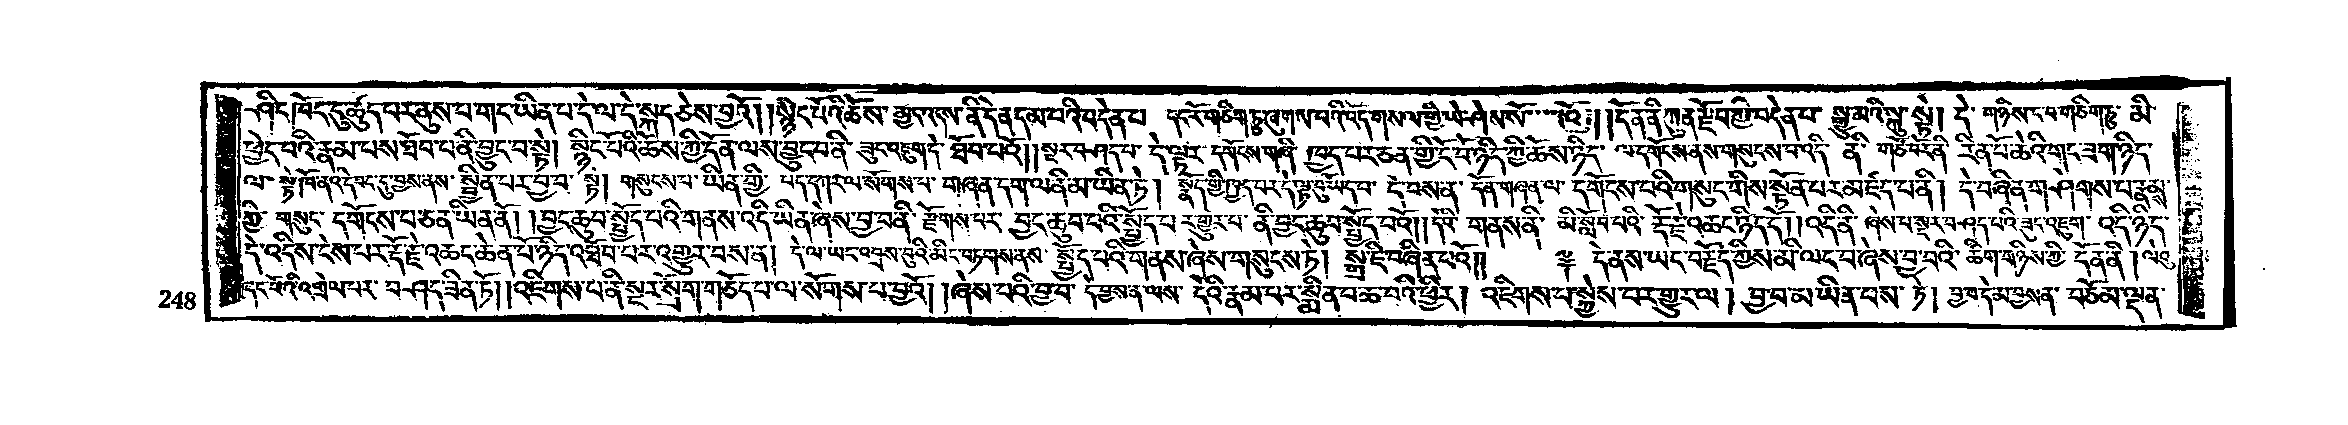ཤིང་ཁོང་དུ་ཆུད་པར་ནུས་པ་གང་ཡིན་པ་དེ་ལ་དེ་སྐད་ཅེས་བྱའོ། །སྙིང་པོའི་ཆོས་མྱང་འདས་ནི་དོན་དམ་པའི་བདེན་པ་དང་རོ་གཅིག་ཏུ་ཞུགས་པའི་འོད་གསལ་གྱི་ཡེ་ཤེས་སོ་འོ། །དོན་ནི་ཀུན་རྫོབ་ཀྱི་བདེན་པ་སྒྱུ་མའི་སྐུ་སྟེ། དེ་གཉིས་ངོ་བོ་གཅིག་ཏུ་མི་
ཕྱེད་པའི་རྣམ་པས་ཐོབ་པ་ནི་བྱུང་བ་སྟེ། སྙིང་པོའི་ཆོས་ཀྱི་དོན་ལས་བྱུང་བ་ནི་ཟུང་འཇུག་དེ་ཐོབ་པའོ། ། སྔར་བཤད་པ་དེ་ལྟར་དགོངས་གཞི་ཁྱད་པར་ཅན་གྱི་ངོ་བོ་ཉིད་ཀྱི་ཆོས་ཉིད་ལ་དགོངས་ནས་གསུངས་པ་འདི་ནི་གཙོ་བོར་ནི་རིན་པོ་ཆེའི་གང་ཟག་ཉིད་
ལ་སྟེ་ཁོ་ནའི་དབང་དུ་བྱས་ནས་སྦྱིན་པར་བྱ་བ་སྟེ། གསུངས་པ་ཡིན་གྱི་པད་དཀར་ལ་སོགས་པ་གཞན་དག་ལ་ནི་མ་ཡིན་ཏེ། སྣོད་གྱི་ཁྱད་པར་དེ་ལྟ་བུ་ཡོད་པ་དེ་བས་ན་དོན་གཞན་ལ་དགོངས་པའི་གསུང་གིས་སྟོན་པར་མཛད་པ་ནི། དེ་བཞིན་གཤེགས་པ་རྣམས་
ཀྱི་གསུང་དགོངས་པ་ཅན་ཡིན་ནོ། །བྱང་ཆུབ་སྤྱོད་པའི་གནས་འདི་ཡིན་ཞེས་བྱ་བ་ནི་རྫོགས་པར་བྱང་ཆུབ་པའི་སྤྱོད་པར་གྱུར་པ་ནི་བྱང་ཆུབ་སྤྱོད་པའོ། ། དེའི་གནས་ནི་མི་སློབ་པའི་རྡོ་རྗེ་འཆང་ཉིད་དོ། །འདི་ནི་ཞེས་པ་སྔར་བཤད་པའི་ཟུང་འཇུག་འདི་ཉིད་
དེ་འདིས་ངེས་པར་རྡོ་རྗེ་འཆང་ཆེན་པོ་ཉིད་འཐོབ་པར་འགྱུར་བས་ན། དེ་ལ་ཡང་འབྲས་བུའི་མིང་བཏགས་ནས་སྤྱོད་པའི་གནས་ཞེས་གསུངས་ཏེ། སྒྲ་ཇི་བཞིན་པའོ།། ༈ དེ་ནས་ཡང་བརྗོད་ཀྱིས་མི་ལང་བ་ཞེས་བྱ་བའི་ཚིག་གཉིས་ཀྱི་དོན་ནི། ལེའུ་
དང་པོའི་འགྲེལ་པར་བཤད་ཟིན་ཏོ། །འཇིགས་པ་ནི་སྔར་སྲོག་གཅོད་པ་ལ་སོགས་པ་བྱའོ། །ཞེས་པའི་བྱ་བ་དེ་བྱས་ན་ལས་དེའི་རྣམ་པར་སྨིན་པ་ཆ་བའི་ཕྱིར། འཇིགས་པ་སྐྱེས་པར་གྱུར་ལ། བྱ་བ་མ་ཡིན་པས་ཏེ། བྱ་བ་དེ་མ་བྱས་ན་བཅོམ་ལྡན་